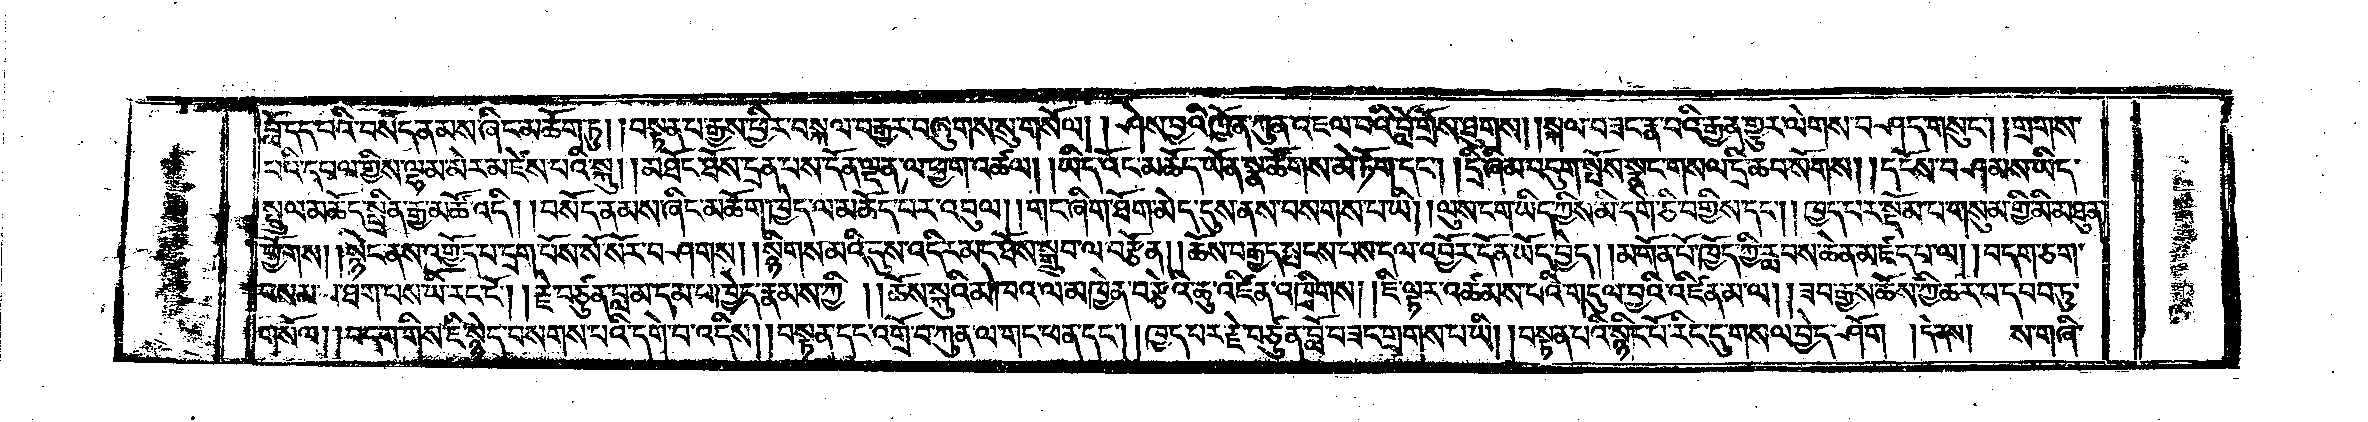བློ་དད་པའི་བསོད་ནམས་ཞིང་མཆོག་ཏུ། །བསྟན་པ་རྒྱས་ཕྱིར་བསྐལ་བརྒྱར་བཞུགས་སུ་གསོལ། །ཤེས་བྱའི་ཁྱོན་ཀུན་འཇལ་བའི་བློ་གྲོས་ཐུགས། །སྐལ་བཟང་རྣ་བའི་རྒྱན་གྱུར་ལེགས་བཤད་གསུང་། །གྲགས་
པའི་དཔལ་གྱིས་ལྷམ་མེར་མཛེས་པའི་སྐུ། །མཐོང་ཐོས་དྲན་པས་དོན་ལྡན་ལ་ཕྱག་འཚལ། །ཡིད་འོང་མཆོད་ཡོན་སྣ་ཚོགས་མེ་ཏོག་དང་། །དྲི་ཞིམ་བདུག་སྤོས་སྣང་གསལ་དྲི་ཆབ་སོགས། །དངོས་བཤམས་ཡིད་
སྤྲུལ་མཆོད་སྤྲིན་རྒྱ་མཚོ་འདི། །བསོད་ནམས་ཞིང་མཆོག་ཁྱེད་ལ་མཆོད་པར་འབུལ། །གང་ཞིག་ཐོག་མེད་དུས་ནས་བསགས་པ་ཡི། །ལུས་ངག་ཡིད་ཀྱིས་མི་དགེ་ཅི་བགྱིས་དང་། །ཁྱད་པར་སྡོམ་པ་གསུམ་གྱི་མི་མཐུན་
ཕྱོགས། །སྙིང་ནས་འགྱོད་པ་དྲག་པོས་སོ་སོར་བཤགས། །སྙིགས་མའི་དུས་འདིར་མང་ཐོས་སྒྲུབ་ལ་བརྩོན། །ཆོས་བརྒྱད་སྤངས་པས་དལ་འབྱོར་དོན་ཡོད་བྱེད། །མགོན་པོ་ཁྱོད་ཀྱི་རླབས་ཆེན་མཛད་པ་ལ། །བདག་ཅག་
བསམ་པ་ཐག་པས་ཡི་རང་ངོ། །རྗེ་བཙུན་བླ་མ་དམ་པ་ཁྱེད་རྣམས་ཀྱི། །ཆོས་སྐུའི་མཁའ་ལ་མཁྱེན་བརྩེའི་ཆུ་འཛིན་འཁྲིགས། །ཇི་ལྟར་འཚམས་པའི་གདུལ་བྱའི་འཛིན་མ་ལ། །ཟབ་རྒྱས་ཆོས་ཀྱི་ཆར་པ་དབབ་ཏུ་
གསོལ། །བདག་གིས་ཇི་སྙེད་བསགས་པའི་དགེ་བ་འདིས། །བསྟན་དང་འགྲོ་བ་ཀུན་ལ་གང་ཕན་དང་། །ཁྱད་པར་རྗེ་བཙུན་བློ་བཟང་གྲགས་པ་ཡི། །བསྟན་པའི་སྙིང་པོ་རིང་དུ་གསལ་བྱེད་ཤོག་།དེ་ནས།  ས་གཞི་